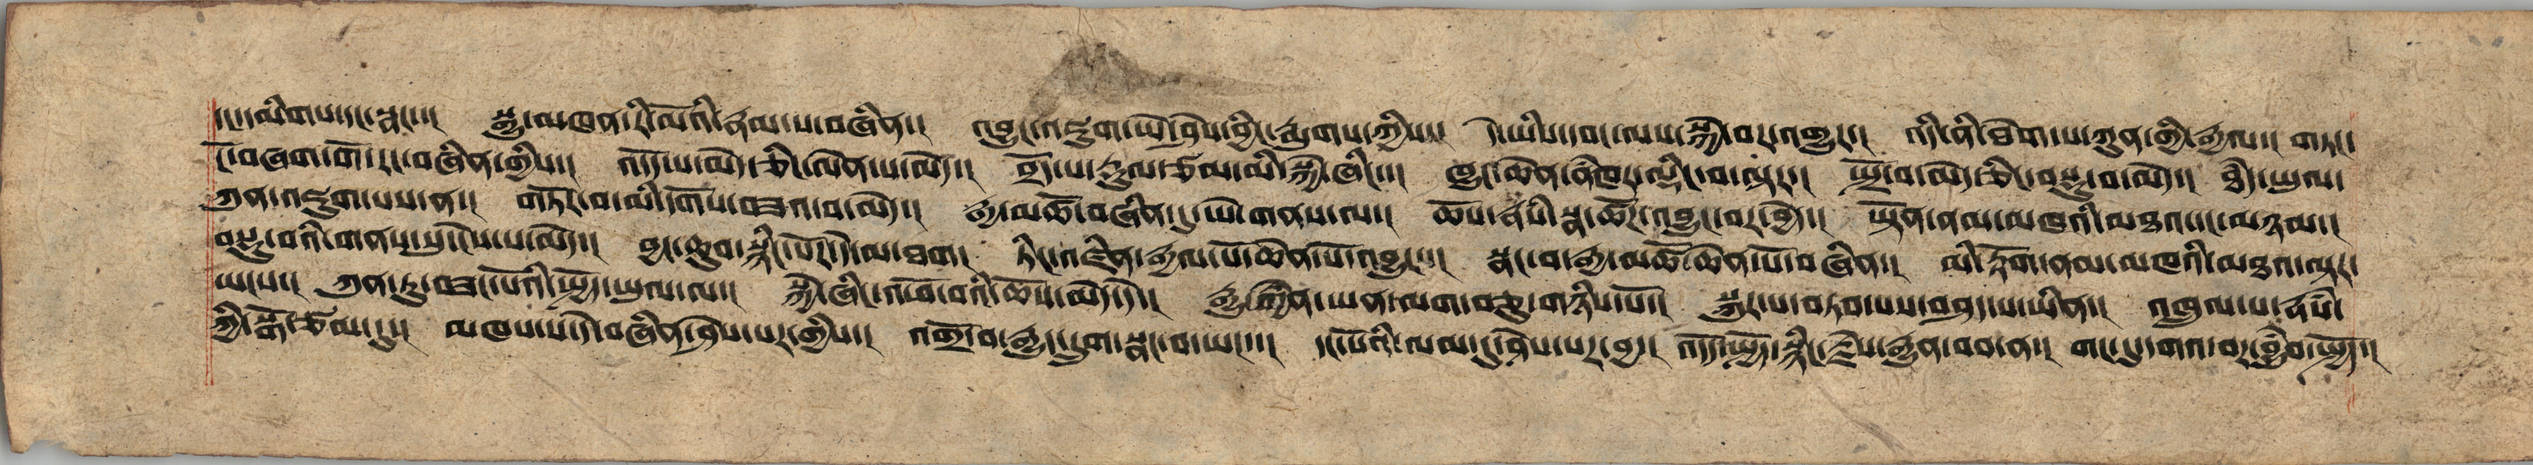དང་དམིགས་དང་སྣང་། སྒྱུ་མཁན་རི་མོའི་རྣམ་པ་བཞིན་། འབྱུང་འཇུག་ཡེ་ཤེས་བྱིང་རྨུགས་ཀྱིས་། དེ་ཡིས་དབང་ལས་སྐྱེ་བར་འགྱུར་། འདི་ནི་ཐེག་པ་ཀུན་གྱི་རྒྱལ་། གཏང་
ངོ་བཞག་གོ་རང་བཞིན་གྱིས་། འདོད་པ་མེད་ཅིང་ལེན་པ་མཛོད་། བྲོད་པ་རྡུལ་ཙམ་མི་སྐྱེ་ཞིང་། ཁྱུང་ཆེན་ནཾཁར་ལྡིང་བ་ལྟར་། སྤྲོ་བ་མེད་ཅིང་བསྡུ་བ་མེད་། ཐཾད་ཡུལ་
ཀུན་འཇུག་པས་ན་། གཏོར་བ་མི་དགོས་བཟའ་བ་མེད་། རྒྱ་མཚོ་བཞིན་དུ་ཡེ་གནས་ལ་། ཆོས་རྣཾས་སྣ་ཚོཌ་འབྱུང་བར་བྱེད་། ཡྟོན་ནམ་མཁའི་མཐའ་དང་མཉམ་།
བསྡུ་བའི་གནས་སུ་ངེས་པ་མེད་། བྱང་ཆུབ་སྙིང་པོར་དེ་མ་ཐག་། ཏིང་འཛིན་རྒྱལ་པོ་ཆེན་པོ་འབྱུང་། སྣང་བ་རྒྱ་མཚོ་ཆེན་པོ་བཞིན་། མི་རྟོག་ནམ་མཁའི་མཐའ་ལྟར་
ཡངས་། ཀུན་ཏུ་བཟང་པོའི་སྤྱོད་ཡུལ་ལ་། སྐྱེ་ཞིང་འཕོ་བའི་ཆོས་མེད་དེ་། རྒྱུ་རྐྱེན་ཡན་ལག་བཅུ་གཉིས་པོ་། སྐུར་པ་བཏབ་པས་བཤད་པ་ཡིན་། འཁྲུལ་པ་རྣཾས་
ཀྱི་སྒོ་ཙམ་དུ་། མཁས་པ་དེ་བཞིན་ཤེས་པར་གྱིས་། འགྲོ་བ་རྒྱུད་དྲུག་སྣང་བ་ཡང་་། དང་པོའི་ལམ་དུ་ཤེས་པར་བྱ་། འདོད་སྤྱོད་སྙིང་རྗེས་རྒྱུན་བབ་ན་། གང་དུ་དགའ་བར་བྱུཾབ་སྤྱོད་།